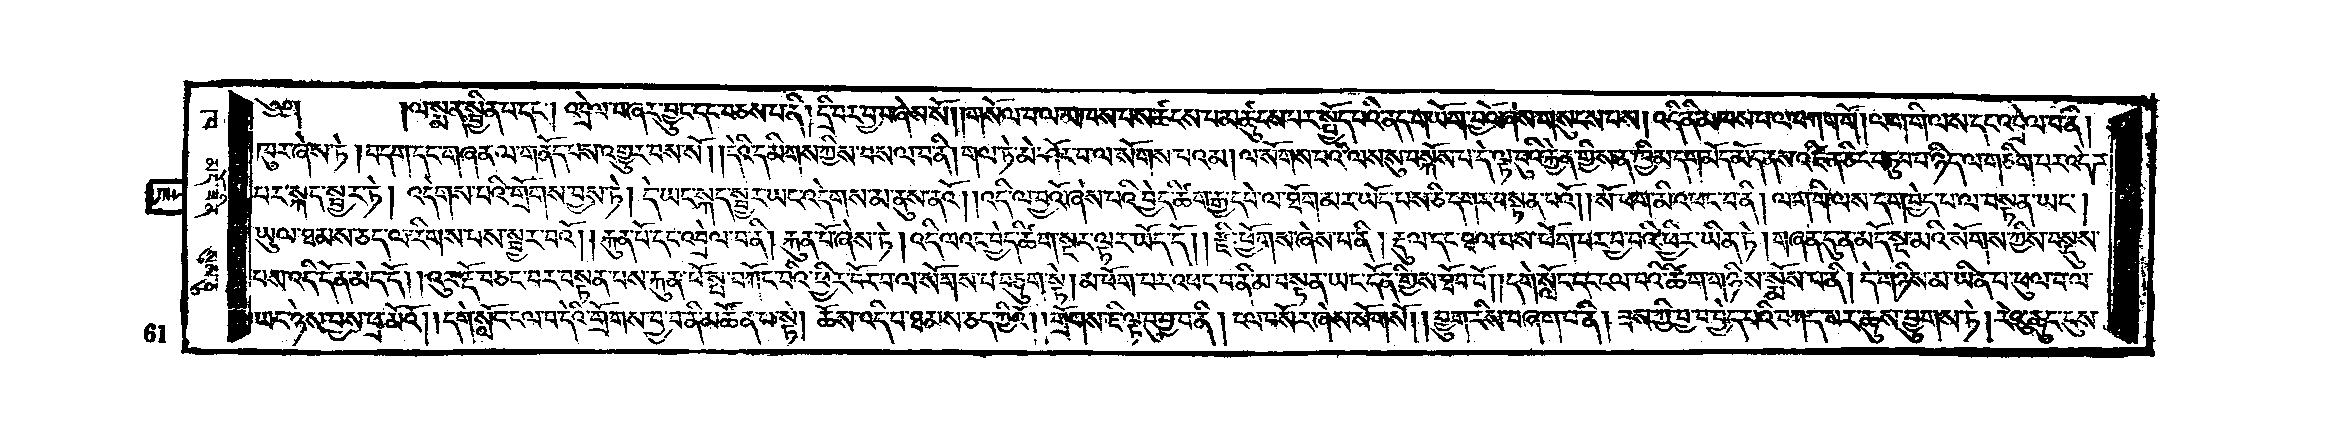༄༅། །ལ་སྨན་སྦྱིན་པ་དང་། འབྲེལ་བ་ཞར་བྱུང་དང་བཅས་པ་ནི། དྲི་བར་བྱ་བ་ཞེས་སོ། །གསོལ་བ་ལ་མཁས་པས་ཚངས་པ་མཚུངས་པར་སྤྱོད་པའི་ནད་གཡོག་བྱའོ་ཞེས་གསུངས་པས། འདི་ནི་མཁས་པ་ལ་བཀག་གོ །ལག་གི་ལས་དང་འབྲེལ་བ་ནི།
ཁུར་ཞེས་ཏེ། བདག་དང་གཞན་ལ་གནོད་པས་འགྱུར་བས་སོ། །དེའི་དམིགས་ཀྱིས་བསལ་བ་ནི། གལ་ཏེ་མེ་ཤོར་བ་ལ་སོགས་པའམ། ལ་སོགས་པའི་ལས་སུ་བསྐོས་པ་དེ་ལྟ་བུའི་རྐྱེན་གྱིས་ན་ཁྱིམ་དག་མོད་མོད་ནས་འཛིན་ཅིང་བཏུབ་པ་ཉིད་ལ་གཅིག་པར་འདེཌ་
པར་སྐད་སྦྱར་ཏེ། འདེགས་པའི་གྲོགས་བྱས་ཏེ། དེ་ཡང་སྐད་སྦྱར་ཡང་འདེགས་མ་ནུས་ནའོ། །འདི་ལ་བྱའོ་ཞེས་པའི་བྱེད་ཚིག་རྒྱ་དཔེ་ལ་ཐོག་མར་ཡོད་པས་ཅི་དགར་བསྟན་པའོ། །སོ་ཕག་མི་འཕང་བ་ནི། ལག་གི་ལས་དག་བྱེད་པ་ལ་བསྟན་ཡང་།
ཡུལ་ཐམས་ཅད་ལ་རིགས་པས་སྦྱར་བའོ། །རྐུན་པོ་དང་འབྲེལ་བ་ནི། རྐུན་པོ་ཞེས་ཏེ། འདི་ལའང་བྱེད་ཚིག་སྔར་ལྟར་ཡོད་དོ། །རྫི་ཕྱོགས་ཞེས་པ་ནི། རྡུལ་དང་ཐལ་བས་ཕོག་པར་བྱ་བའི་ཕྱིར་ཡིན་ཏེ། གཞན་དུ་ན་མདོ་སྔའི་མའི་སོགས་ཀྱིས་བསྡུས་
པས་འདི་དོན་མེད་དོ། །འུར་རྡོ་བཅང་བར་བསྟན་པས་རྐུན་པོས་པ་བཀོང་བའི་ཕྱིར་བོང་བ་ལ་སོགས་པ་བཅུག་སྟེ། མ་ཕོག་པར་འཕང་བ་ནི་མ་བསྟན་ཡང་དོན་གྱིས་ཐོབ་བོ། །དགེ་སློང་དང་ངལ་བའི་ཚིག་གཉིས་སྨོས་པ་ནི། དེ་གཉིས་མ་ཡིན་པ་ཕུལ་བ་ལ་
ཡང་ཉེས་བྱས་ཕྲ་མོའོ། །དགེ་སློང་ངལ་བ་དེའི་གྲོགས་བྱ་བ་ནི་མཚོན་པ་སྟེ། ཆོས་འདི་པ་ཐམས་ཅད་ཀྱིའོ། །གྲོགས་ཇི་ལྟ་བུ་བྱ་བ་ནི། ངལ་བསོར་ཞེས་སོགས་སོ། །བྱུག་རིས་བཞག་པ་ནི། ཟས་ཀྱི་བྱ་བ་བྱེད་པའི་བཀད་སར་ཆུས་བྱུགས་ཏེ། རེའུ་ཆུང་ངུས་